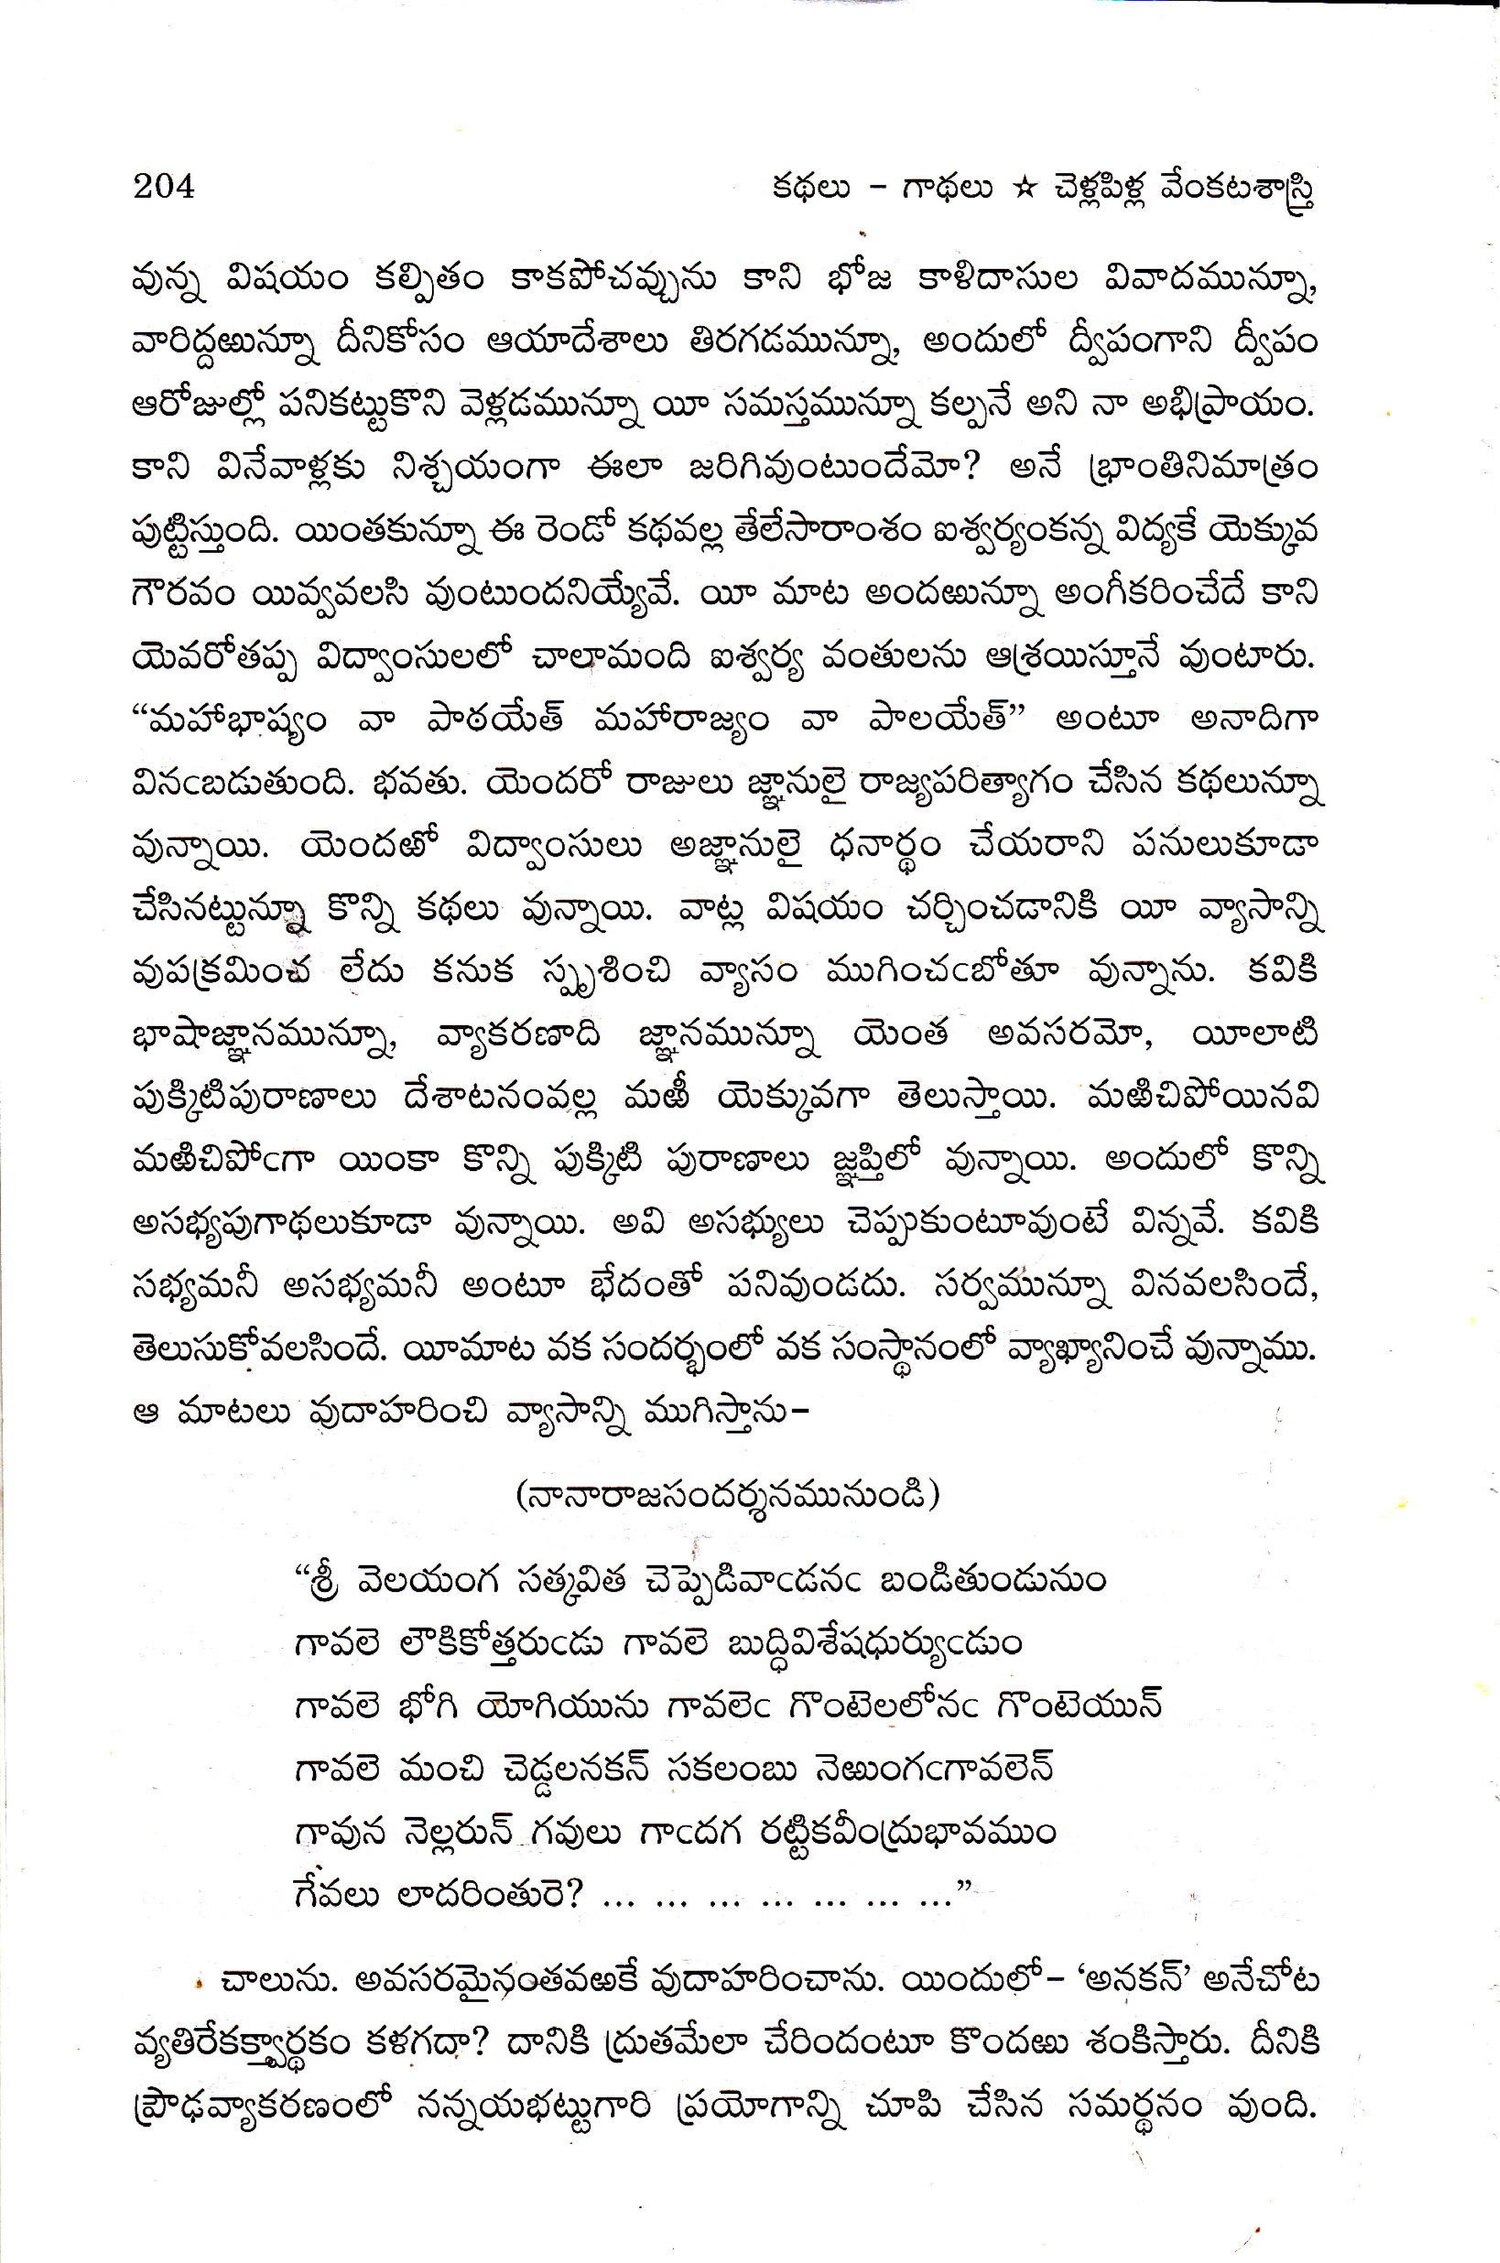వున్న విషయం కల్పితం కాకపోవచ్చును కాని భోజ కాళిదాసుల వివాదమున్నూ, వారిద్దఱున్నూ దీనికోసం ఆయాదేశాలు తిరగడమున్నూ, అందులో ద్వీపంగాని ద్వీపం ఆరోజుల్లో పనికట్టుకొని వెళ్లడమున్నూ యీ సమస్తమున్నూ కల్పనే అని నా అభిప్రాయం. కాని వినేవాళ్లకు నిశ్చయంగా ఈలా జరిగివుంటుందేమో? అనే భ్రాంతినిమాత్రం పుట్టిస్తుంది. యింతకున్నూ ఈ రెండో కథవల్ల తేలేసారాంశం ఐశ్వర్యంకన్న విద్యకే యెక్కువ గౌరవం యివ్వవలసి వుంటుందనియ్యేవే. యీ మాట అందఱున్నూ అంగీకరించేదే కాని యెవరోతప్ప విద్వాంసులలో చాలామంది ఐశ్వర్య వంతులను ఆశ్రయిస్తూనే వుంటారు. "మహాభాష్యం వా పాఠయేత్ మహారాజ్యం వా పాలయేత్" అంటూ అనాదిగా వినఁబడుతుంది. భవతు. యెందరో రాజులు జ్ఞానులై రాజ్యపరిత్యాగం చేసిన కథలున్నూ వున్నాయి. యెందఱో విద్వాంసులు అజ్ఞానులై ధనార్థం చేయరాని పనులుకూడా చేసినట్టున్నూ కొన్ని కథలు వున్నాయి. వాట్ల విషయం చర్చించడానికి యీ వ్యాసాన్ని వుపక్రమించ లేదు కనుక స్పృశించి వ్యాసం ముగించఁబోతూ వున్నాను. కవికి భాషాజ్ఞానమున్నూ, వ్యాకరణాది జ్ఞానమున్నూ యెంత అవసరమో, యీలాటి పుక్కిటిపురాణాలు దేశాటనంవల్ల మఱీ యెక్కువగా తెలుస్తాయి. మఱిచిపోయినవి మఱిచిపోఁగా యింకా కొన్ని పుక్కిటి పురాణాలు జ్ఞప్తిలో వున్నాయి. అందులో కొన్ని అసభ్యపుగాథలుకూడా వున్నాయి. అవి అసభ్యులు చెప్పకుంటూవుంటే విన్నవే. కవికి సభ్యమనీ అసభ్యమనీ అంటూ భేదంతో పనివుండదు. సర్వమున్నూ వినవలసిందే, తెలుసుకోవలసిందే. యీమాట వక సందర్భంలో వక సంస్థానంలో వ్యాఖ్యానించే వున్నాము. ఆ మాటలు వుదాహరించి వ్యాసాన్ని ముగిస్తాను

“శ్రీ వెలయంగ సత్కవిత చెప్పెడివాఁడనఁ బండితుండునుం 
 గావలె లౌకికోత్తరుఁడు గావలె బుద్ధివిశేషధుర్యఁడుం 
 గావలె భోగి యోగియును గావలెఁ గొంటెలలోనఁ గొంటెయున్ 
 గావలె మంచి చెడ్డలనకన్ సకలంబు నెఱుంగఁగావలెన్ 
 గావున నెల్లరున్ గవులు గాఁదగ రట్టికవీంద్రుభావముం 
 గేవలు లాదరింతురె? ... ... ... ... ... ... ..."
చాలును. అవసరమైనంతవఱకే వుదాహరించాను. యిందులో - 'అనకన్‌' అనేచోట వ్యతిరేకక్త్వార్ధకం కళగదా? దానికి ద్రుతమేలా చేరిందంటూ కొందఱు శంకిస్తారు. దీనికి ప్రౌఢవ్యాకరణంలో నన్నయభట్టుగారి ప్రయోగాన్ని చూపి చేసిన సమర్ధనం వుంది.